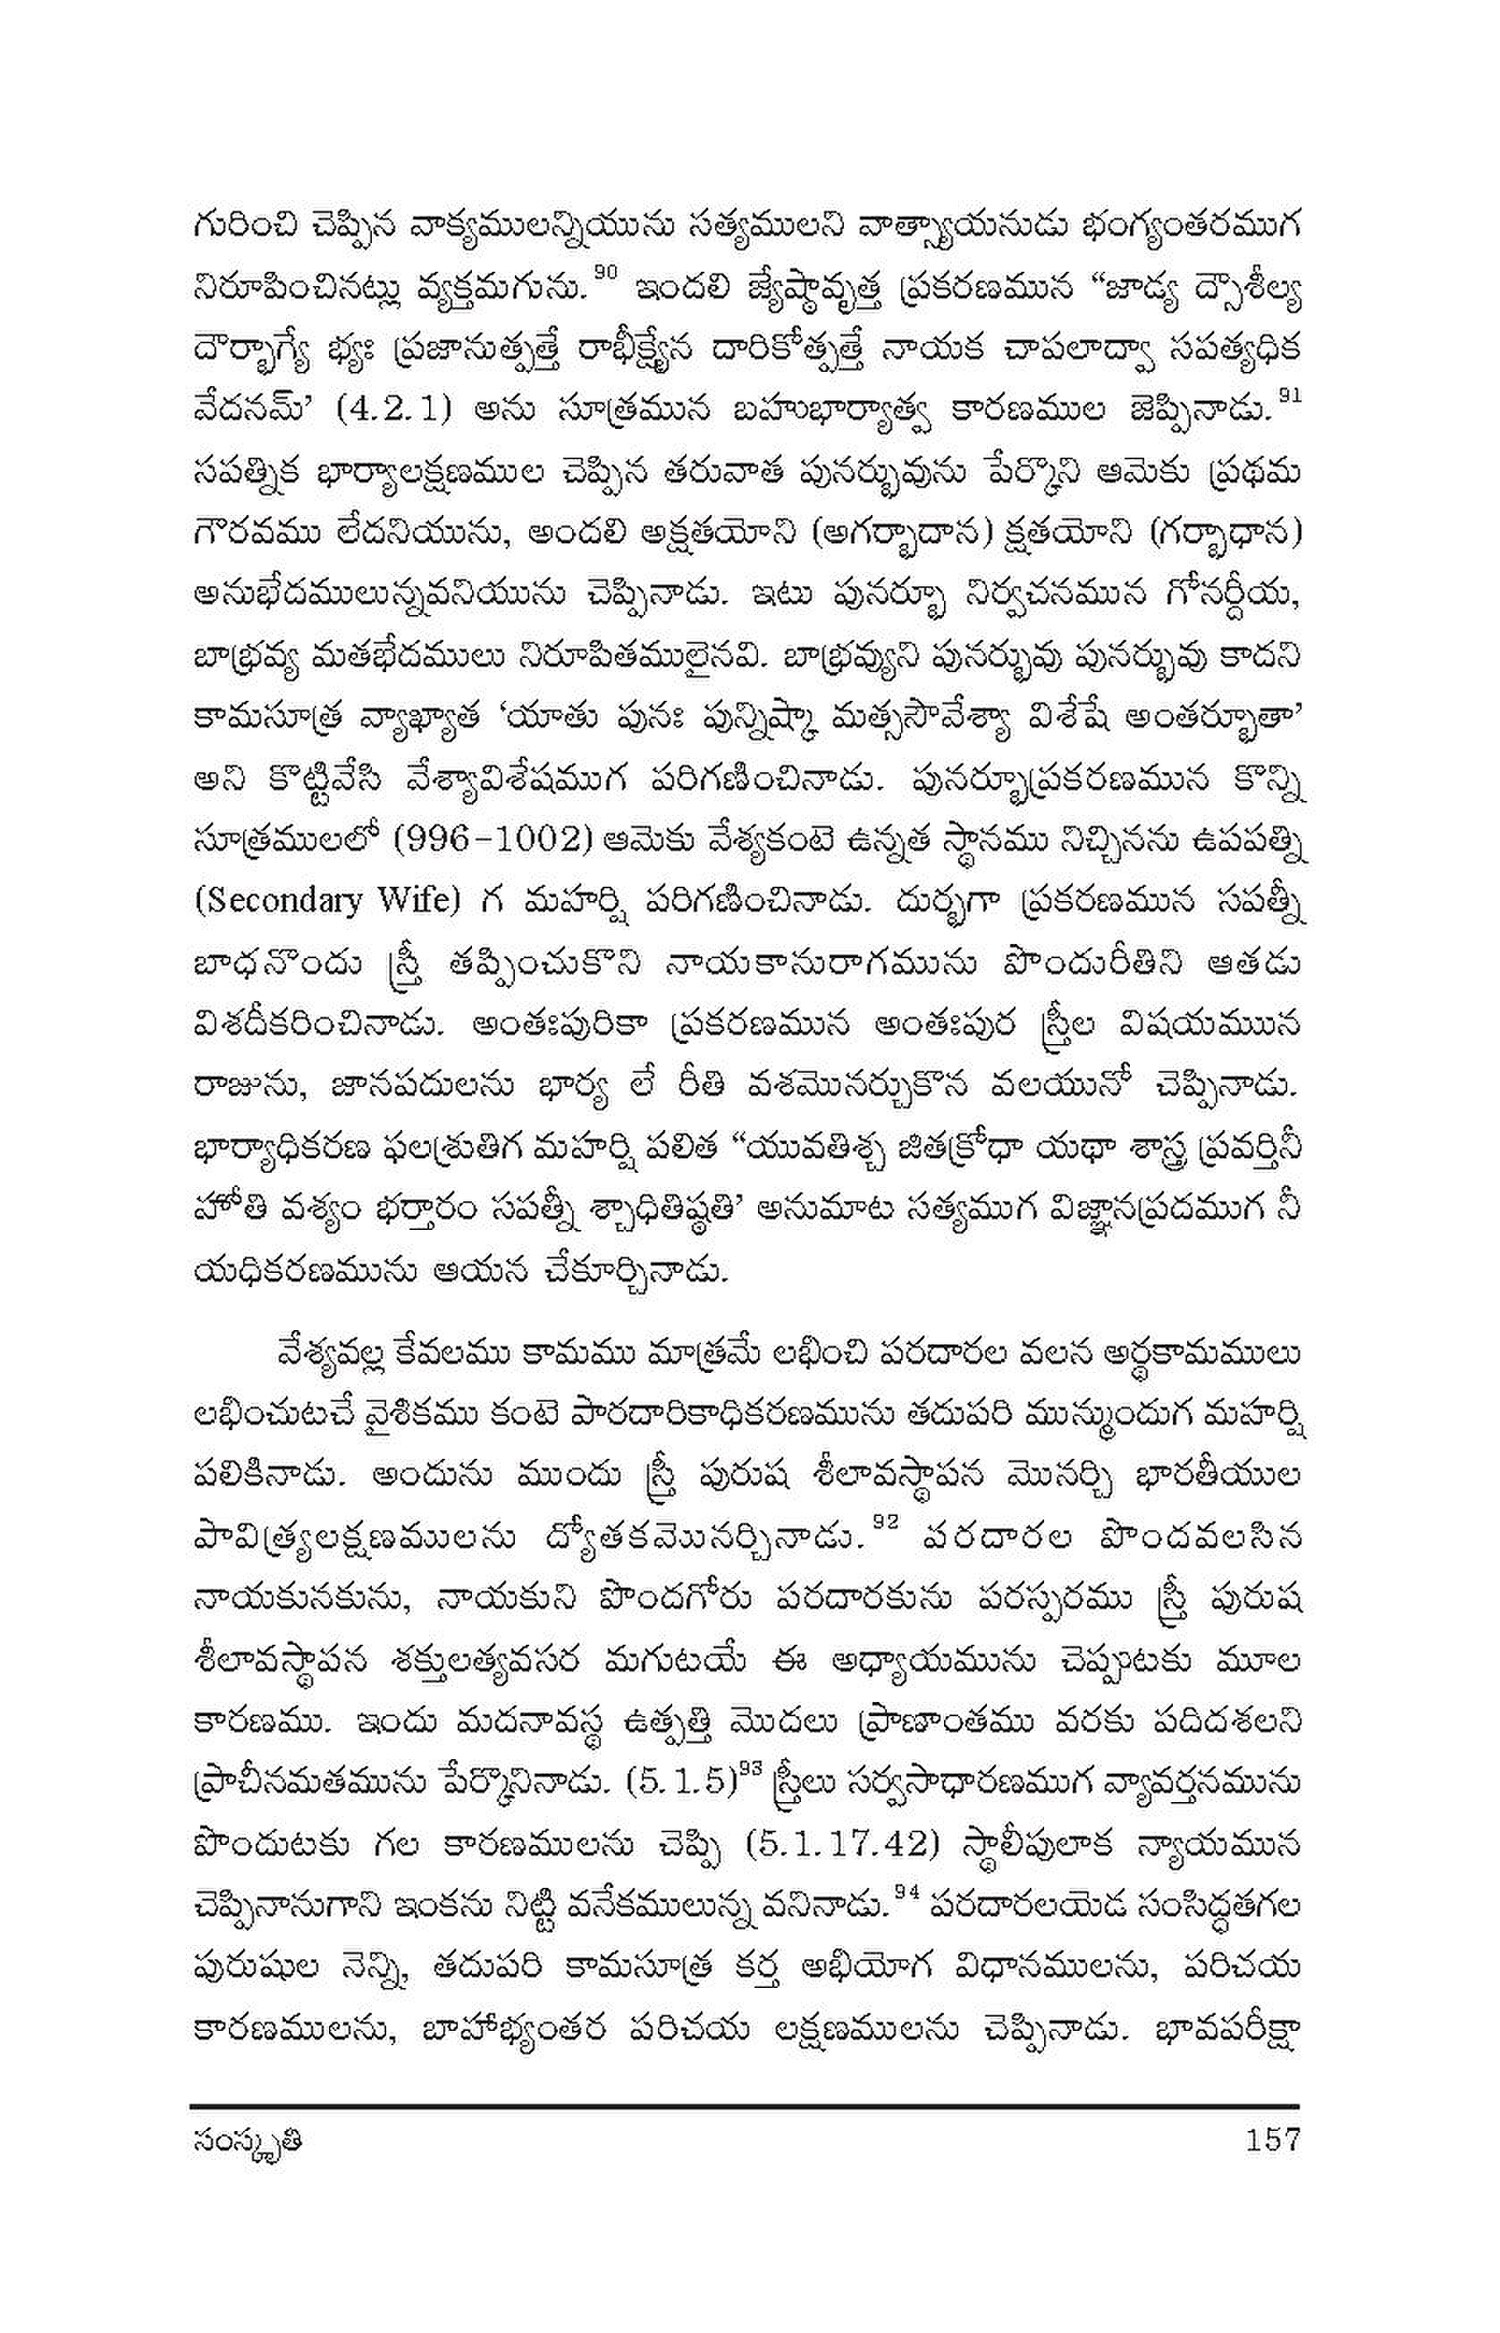గురించి చెప్పిన వాక్యములన్నియును సత్యములని వాత్స్యాయనుడు భంగ్యంతరముగ
నిరూపించినట్లు వ్యక్తమగును. ఇందలి జ్యేష్టావృత్త ప్రకరణమున "జాడ్య ద్సౌశీల్య
దౌర్భాగ్యే భ్యః ప్రజానుత్పత్తే రాఖీక్ష్యేన దారికోత్పత్తే నాయక చాపలాద్వా సపత్యధిక
వేదనమ్' (4.2.1) అను సూత్రమున బహుభార్యాత్వ కారణముల జెప్పినాడు. 
సపత్నిక భార్యాలక్షణములు చెప్పిన తరువాత పునర్భువును పేర్కొని ఆమెకు ప్రథమ
గౌరవము లేదనియును, అందలి అక్షతయోని (అగర్భాదాన క్షతయోని (గర్భాధాన)
అనుభేదములున్నవనియును చెప్పినాడు. ఇటు పునర్భూ నిర్వచనమున గోనర్దీయ,
బాభ్రవ్య మతభేదములు నిరూపితములైనవి. బాభ్రవ్యుని పునర్భువు పునర్భువు కాదని
కామసూత్ర వ్యాఖ్యాత 'యాతు పునః పున్నిష్కా మత్ససౌవేశ్యా విశేషే అంతర్భూతా’
అని కొట్టివేసి వేశ్యావిశేషముగ పరిగణించినాడు. పునర్భూప్రకరణమున కొన్ని
సూత్రములలో (996-1002) ఆమెకు వేశ్యకంటే ఉన్నత స్థానము నిచ్చినను ఉపపత్ని
(Secondary Wife) గ మహర్షి పరిగణించినాడు. దుర్భగా ప్రకరణమున సపత్నీ
బాధనొందు స్త్రీ తప్పించుకొని నాయకానురాగమును పొందురీతిని అతడు
విశదీకరించినాడు. అంతఃపురికా ప్రకరణమున అంతఃపుర స్త్రీల విషయమున
రాజును, జానపదులను భార్య లే రీతి వశమొనర్చుకొన వలయునో చెప్పినాడు.
భార్యాధికరణ ఫలశ్రుతిగ మహర్షి పలిత “యువతిశ్చ జితక్రోధా యథా శాస్త్ర ప్రవర్తినీ
హోతి వశ్యం భక్తారం సపత్నీ శ్చాధితిష్ఠతి' అనుమాట సత్యముగ విజ్ఞానప్రదముగ నీ
యధికరణమును ఆయన చేకూర్చినాడు.

వేశ్యవల్ల కేవలము కామము మాత్రమే లభించి పరదారల వలన అర్థకామములు
లభించుటచే వైశికము కంటే పారదారికాధికరణమును తదుపరి మున్ముందుగ మహర్షి
పలికినాడు. అందును ముందు స్త్రీ పురుష శీలావస్థాపన మొనర్చి భారతీయుల
పావిత్య్రలక్షణములను ద్యోతకమొనర్చినాడు.పరదారల పొందవలసిన
నాయకునకును, నాయకుని పొందగోరు పరదారకును పరస్పరము స్త్రీ పురుష
శీలావస్థాపన శక్తులత్యవసర మగుటయే ఈ అధ్యాయమును చెప్పుటకు మూల
కారణము. ఇందు మదనావస్థ ఉత్పత్తి మొదలు ప్రాణాంతము వరకు పదిదశలని
ప్రాచీనమతమును పేర్కొనినాడు. (5.1.5) స్త్రీలు సర్వసాధారణముగ వ్యావర్తనమును
పొందుటకు గల కారణములను చెప్పి (5.1.17.42) స్థాలీపులాక న్యాయమున
చెప్పినానుగాని ఇంకను నిట్టి వనేకములున్న వనినాడు. పరదారలయెడ సంసిద్ధతగల
పురుషుల నెన్ని, తదుపరి కామసూత్ర కర్త అభియోగ విధానములను, పరిచయ 
కారణములను, బాహాభ్యంతర పరిచయ లక్షణములను చెప్పినాడు. భావపరీక్షా